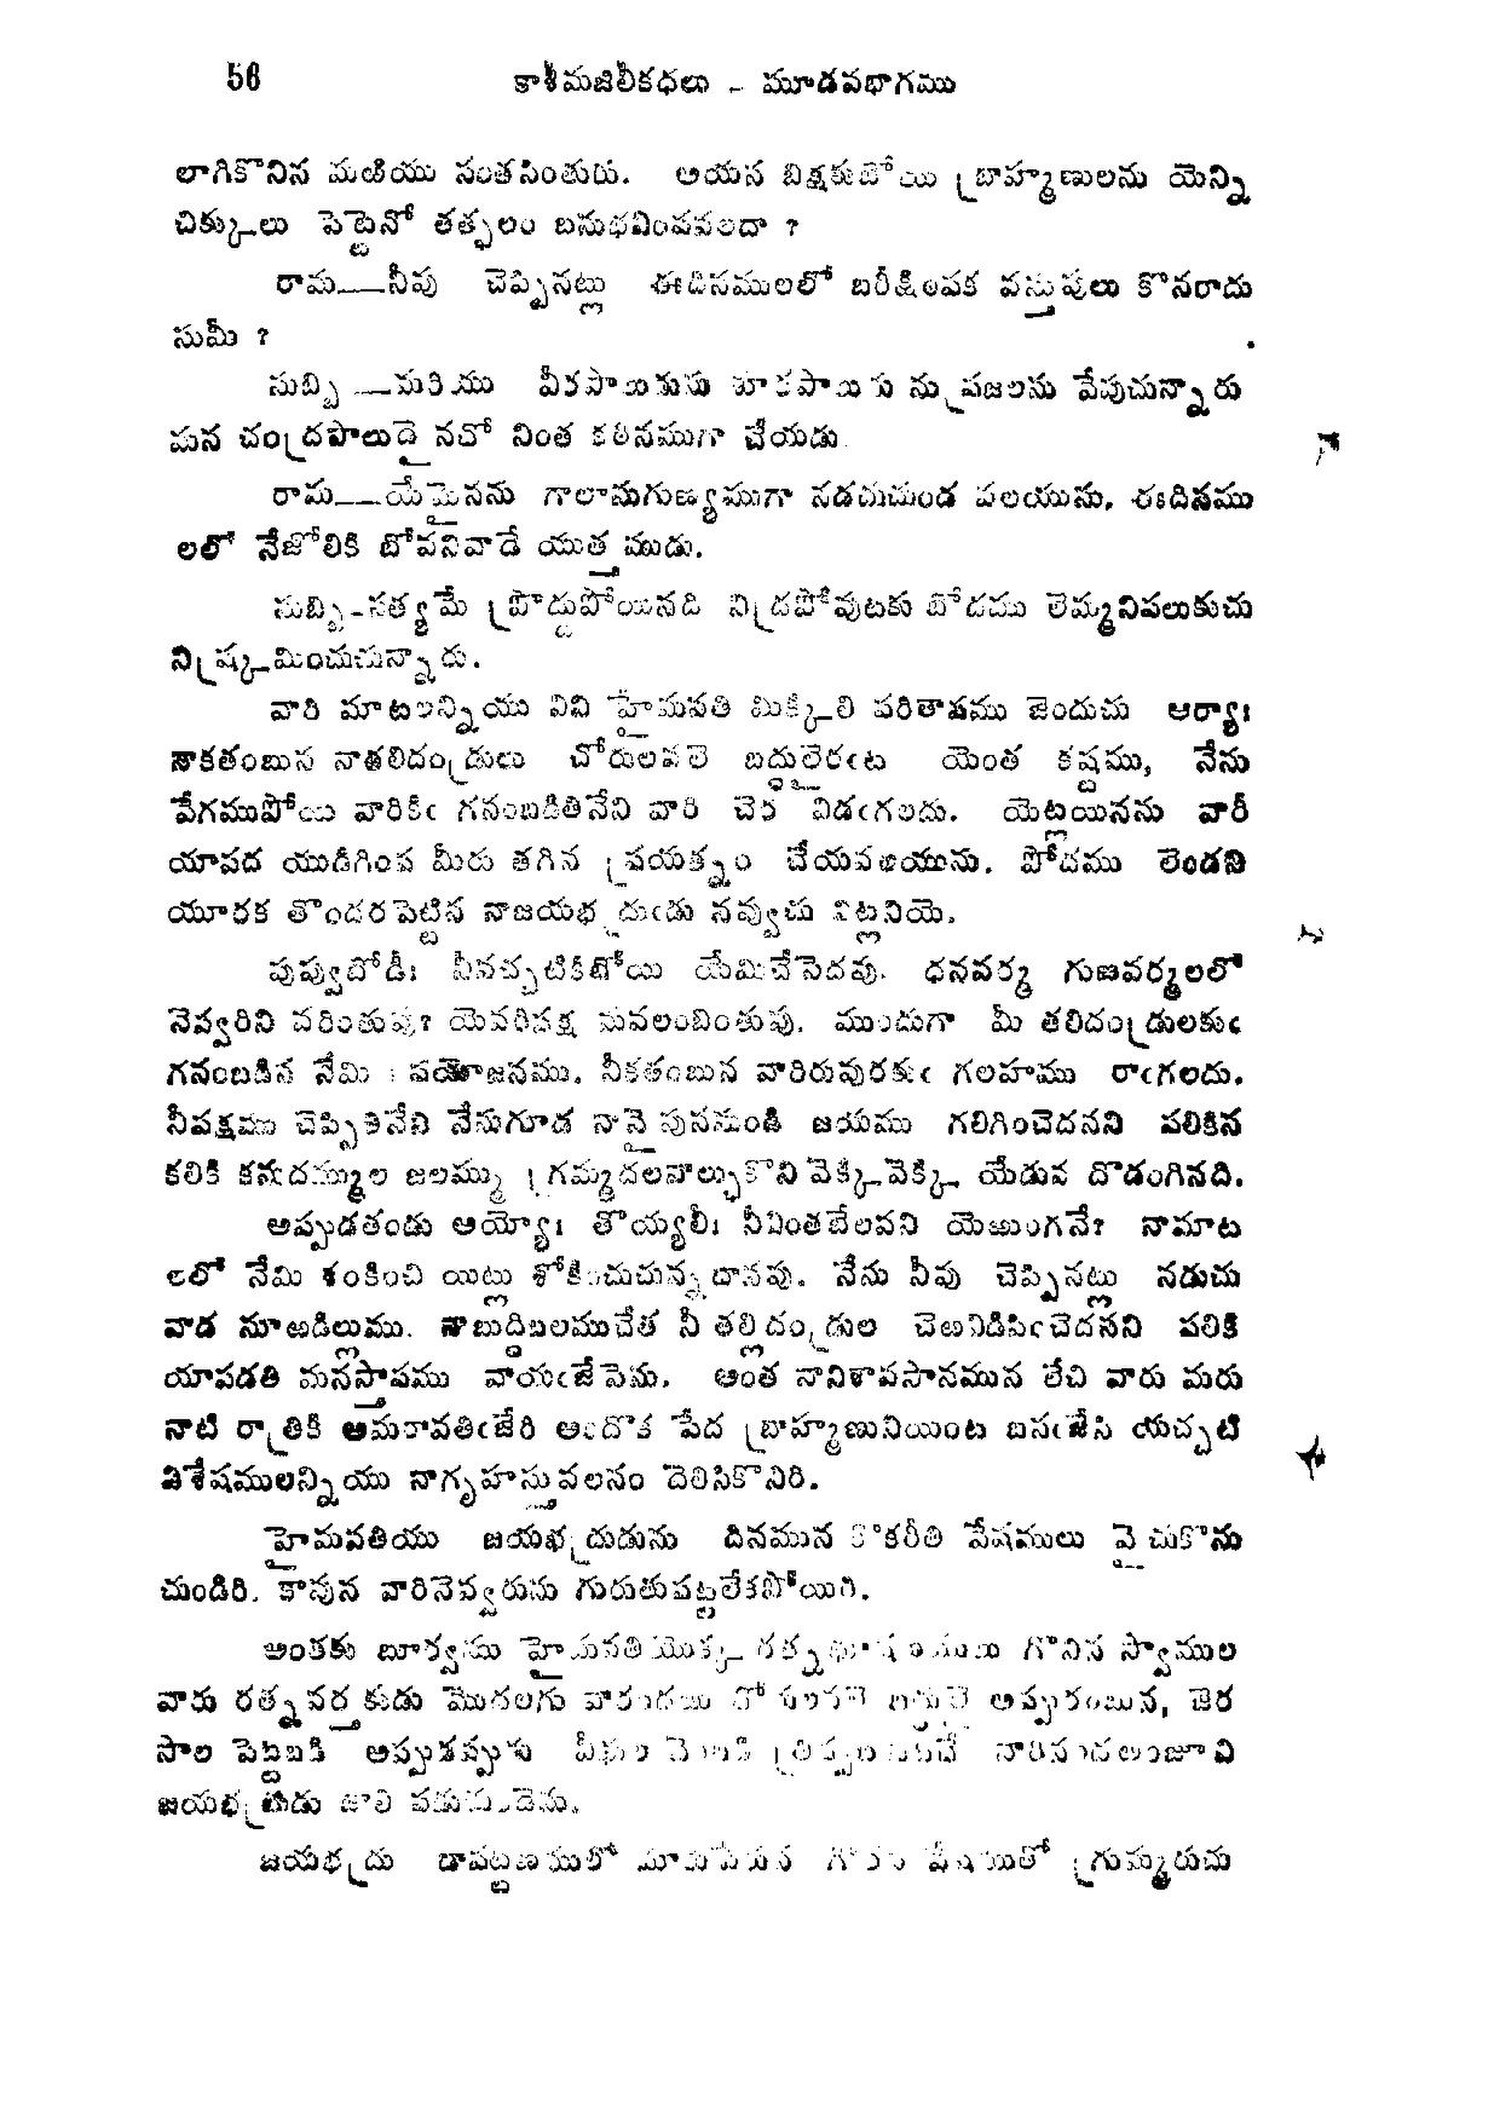లాగికొనిన మఱియు సంతసింతురు. అయన బిక్షకుబోయి బ్రాహ్మణులను యెన్ని చిక్కులు పెట్టెనో తత్ఫలం బనుభవింపవలదా ?

రామ - నీవు చెప్పినట్లు ఈదినములలో బరీక్షింపక వస్తువులు కొనరాదు సుమీ ?

సుబ్బి - మరియు వీరపాలుడును శూరపాలుడును ప్రజలను వేపుచున్నారు మన చంద్రపాలుడైనచో నింత కఠినముగా చేయడు.

రామ - యేమైనను గాలానుగుణ్యముగా నడచుచుండ పలయును. ఈదినములలో నేజోలికి బోవనివాడే యుత్తముడు.

సుబ్బి - సత్యమే ప్రొద్దుపోయినది నిద్రపోవుటకు బోదము లెమ్మనిపలుకుచు నిష్క్రమించుచున్నారు.

వారి మాటలన్నియు విని హైమవతి మిక్కలి పరితాపము జెందుచు ఆర్యా! నాకతంబున నాతలిదండ్రులు చోరులవలె బద్దులైరఁట యెంత కష్టము, నేను వేగముపోయి వారికిఁ గనంబడితినేని వారి చెర విడఁగలదు. యెట్లయినను వారీ యాపద యుడిగింప మీరు తగిన ప్రయత్నం చేయవలయును. పోదము లెండని యూరక తొందరపెట్టిన నాజయభద్రుఁడు నవ్వుచు నిట్లనియె.

పువ్వుబోడీ! నీవచ్చటికిబోయి యేమిచేసెదవు. ధనవర్మ గుణవర్మలలో నెవ్వరిని వరింతువు? యెవరిపక్ష మవలంబింతువు. ముందుగా మీ తలిదండ్రులకుఁ గనంబడిన నేమి ప్రయోజనము. నీకతంబున వారిరువురకుఁ గలహము రాఁగలదు. నీపక్షము చెప్పితినేని నేనుగూడ నావైపుననుండి జయము గలిగించెదనని పలికిన కలికి కనుదమ్ముల జలమ్ము గ్రమ్మదలవాల్చుకొని వెక్కి వెక్కి, యేడువ దొడంగినది.

అప్పుడతండు అయ్యో! తొయ్యలీ! తొయ్యలీ ! నీవింతబేలవని యెఱుంగనే ? నామాటలలో నేమి శంకించి యిట్లు శోకించుచున్నదానవు. నేను నీవు చెప్పినట్లు నడుచువాడ నూఱడిల్లుము. నాబుద్దిబలముచేత నీ తల్లిదండ్రుల చెఱవిడిపించెదనని పలికి యాపడతి మనస్తాపము వాయఁజేసెను. అంత నానిశావసానమున లేచి వారు మరునాటి రాత్రికి అమరావతిఁజేరి అందొక పేద బ్రాహ్మణునియింట బసఁజేసి యచ్చటి విశేషములన్నియు నాగృహస్తువలనం దెలిసికొనిరి.

హైమవతియు జయభద్రుడును దినమున కొకరీతి వేషములు వైచుకొనుచుండిరి. కావున వారి నెవ్వరును గురుతుపట్టలేకపోయిరి.

అంతకు బూర్వము హైమవతియొక్క రత్నభూషణములు గొనిన స్వాములవారు రత్నవర్తకుడు మొదలగు వారందఱు చోతులవలె బద్ధులై అప్పురంబున జెరసాల పెట్టబడి అప్పుడప్పుడు వీథుల వెంబడి త్రిప్పబడుటచే వారినందఱం జూచి జయభద్రుడు జాలిపడుచుండెను.

జయభద్రు డాపట్టణములో మారువేషమున గౌరవవేషముతో గ్రుమ్మరుచు